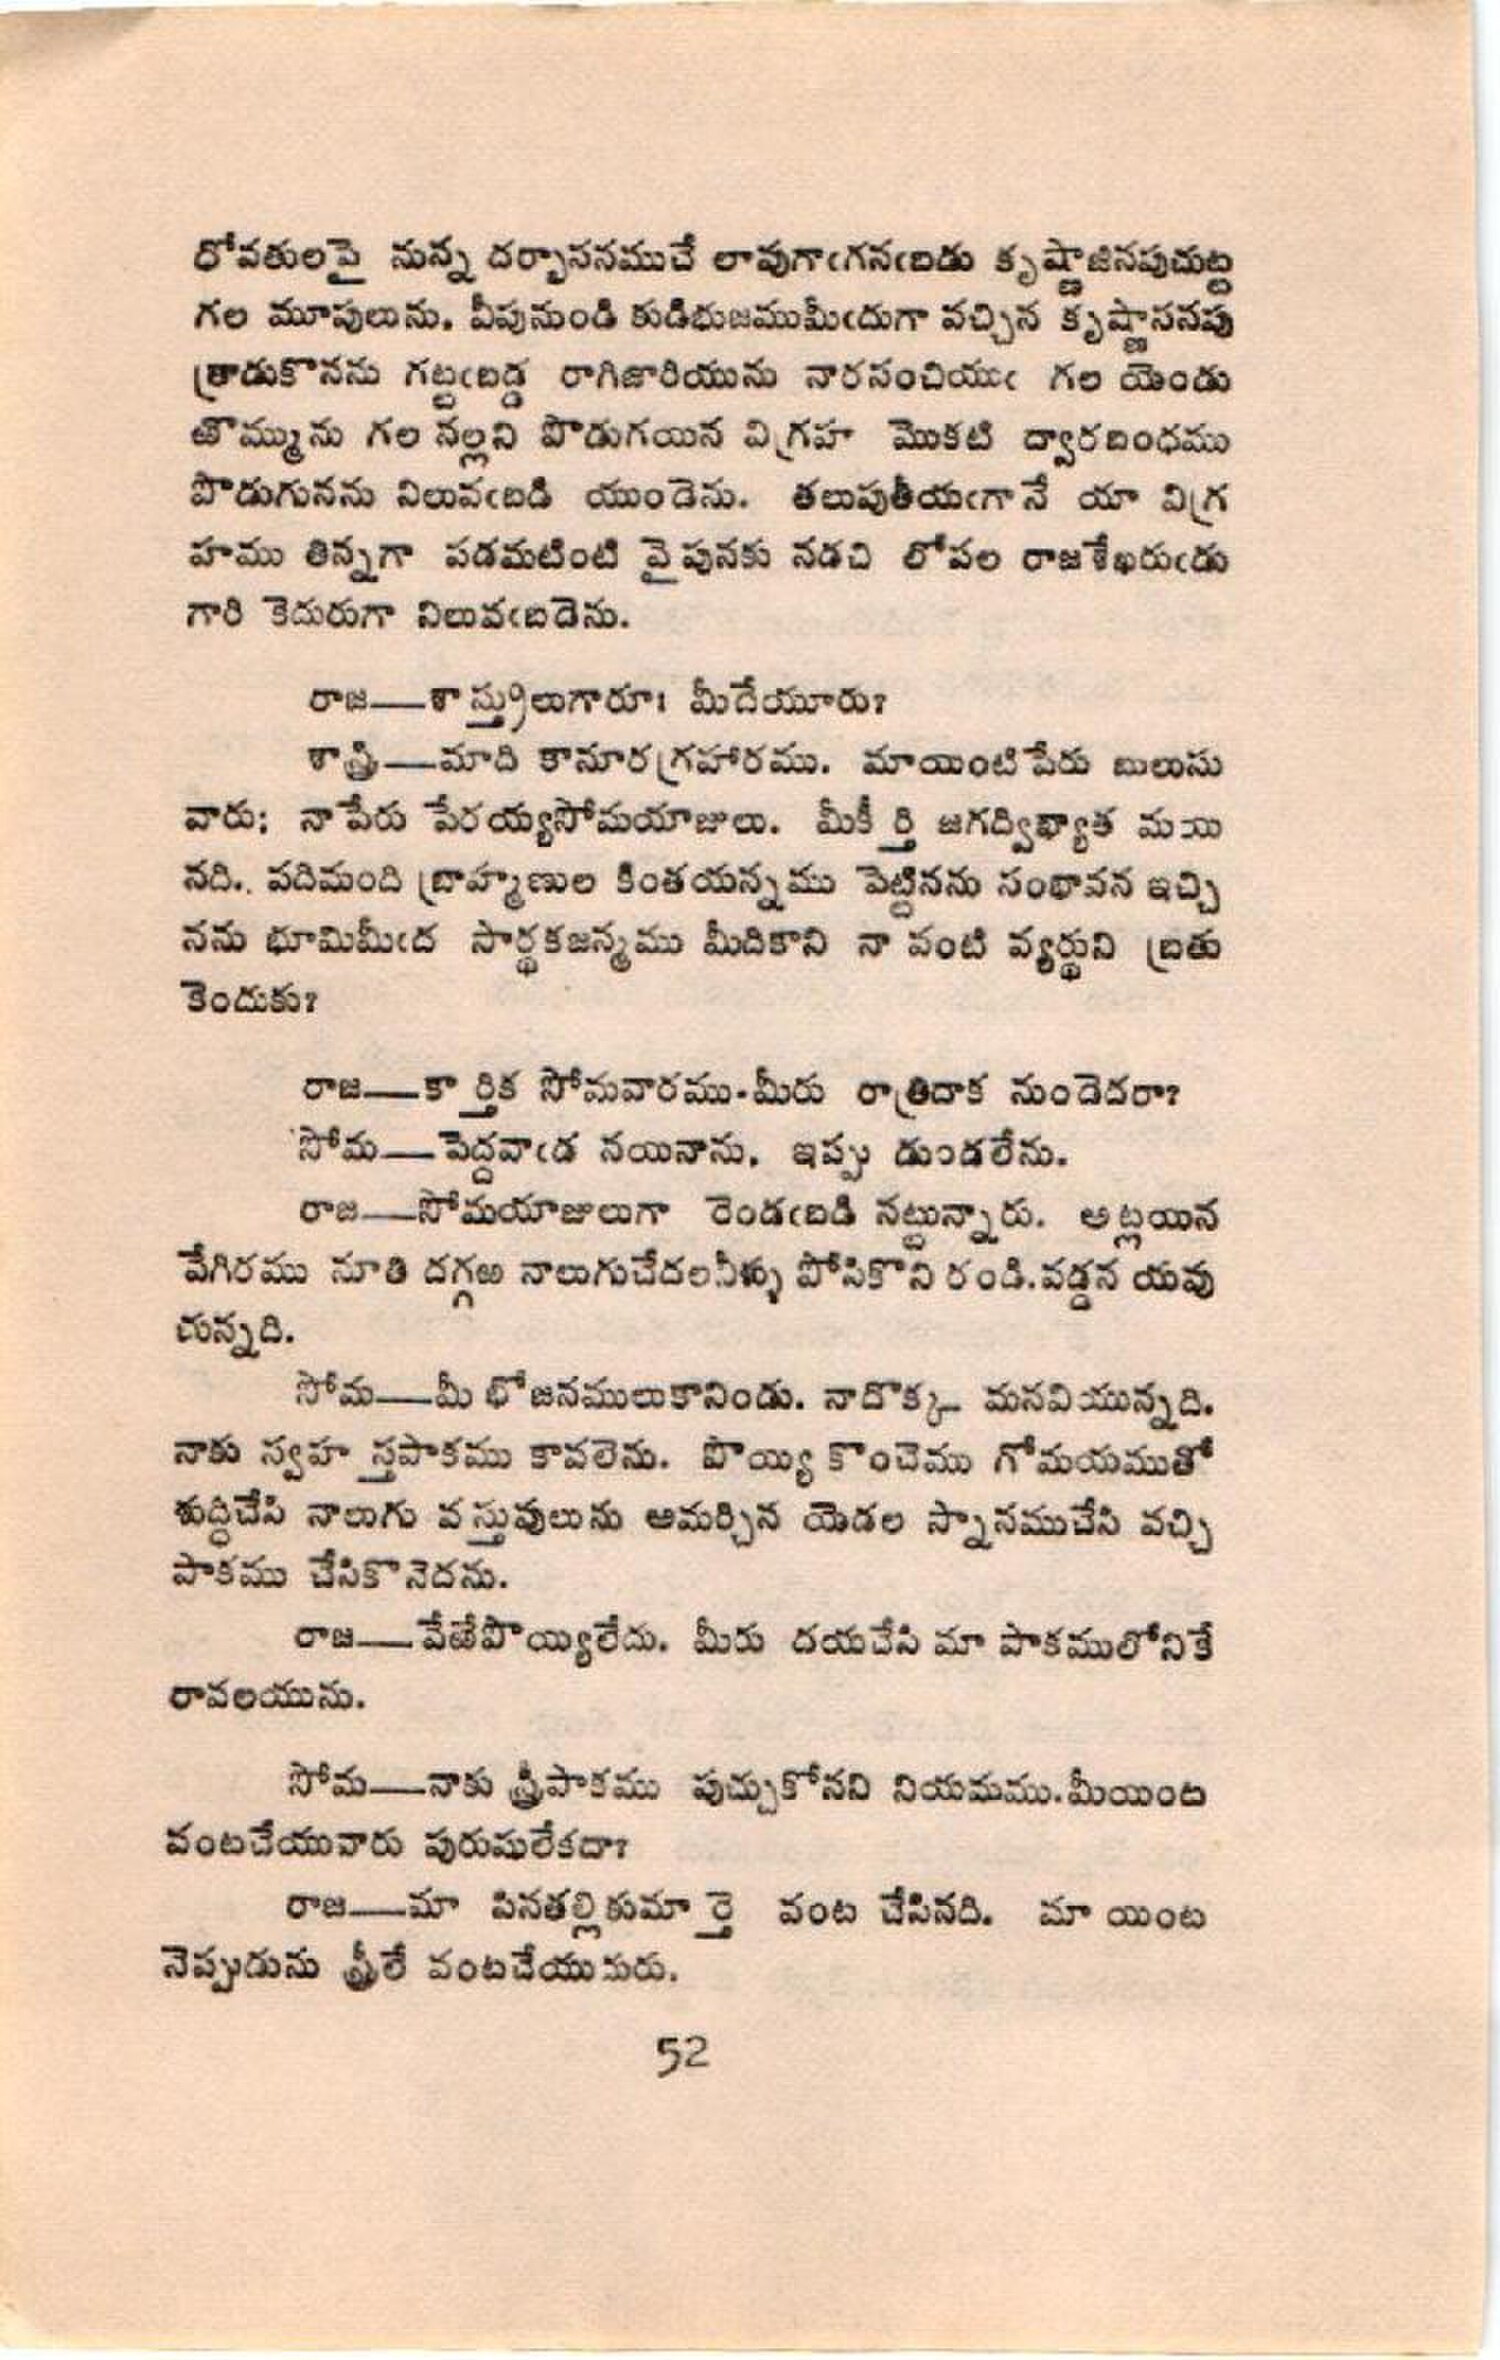ధోవతులపై నున్న దర్భాసనముచే లావుగాఁగనఁబడు కృష్ణాజినపచుట్ట గల మూపులను, వీపునుండి కుడిభుజముమీఁదుగా వచ్చిన కృష్ణాసనపు త్రాడుకొనను గట్టబడ్డ రాగిజారియును నారసంచియుఁ గల యెండు ఱొమ్మును గల నల్లని పొడుగయిన విగ్రహ మొకటి ద్వారబంధము పొడుగునను నిలువఁబడి యుండెను. తలుపుతీయఁగానే యా విగ్ర హము తిన్నగా పడమటింటి వైపునకు నడచి లోపల రాజశేఖరుఁడు గారికెదురుగా
నిలవబడెను.

రాజ__శాస్త్రులుగారూ! మీదేయూరు ?

శాస్త్రి__మాది కానూరగ్రహారము. మాయింటిపేరు బులుసు వారు; నా పేరు పేరయ్యసోమయాజులు. మీకీర్తి జగద్విఖ్యాత మయినది. పదిమంది బ్రాహ్మణుల కింతయన్నము పెట్టినను సంభావన ఇచ్చి నను భూమిమీద సార్ధకజన్మము మీదికాని నా వంటి వ్యర్థుని బ్రతుకెందుకు?

రాజ__కార్తిక సోమవారము.మీరు రాత్రిదాక నుండెదరా?

సోమ__పెద్దవాఁడ నయినాను. ఇప్పుడుండలేను.

రాజ__సోమయాజులుగా రెండఁబడి నట్టున్నారు. అట్లయిన వేగిరము నూతి దగ్గఱ నాలుగుచేదలనీళ్ళు పోసికొని రండి.వడ్డన యవుచున్నది.

సోమ__మీ భోజనములుకానిండు. నాదొక్క మనవియున్నది. నాకు స్వహస్తపాకము కావలెను. పొయ్యి కొంచెము గోమయముతో శుద్ధిచేసి నాలుగు వస్తువులను అమర్చిన యెడల స్నానముచేసి వచ్చి పాకము చేసికొనెదను.
 
రాజ__వేఱేపొయ్యిలేదు. మీరు దయచేసి మా పాకములోనికే రావలయును.

సోమ__నాకు స్త్రీపాకము పుచ్చుకోనని నియమము.మీయింట వంటచేయువారు పురుషులేకదా ?

రాజ__మా పినతల్లి కుమార్తె వంట చేసినది. మా యింట నెప్పడును స్త్రీలే వంటచేయుదురు.